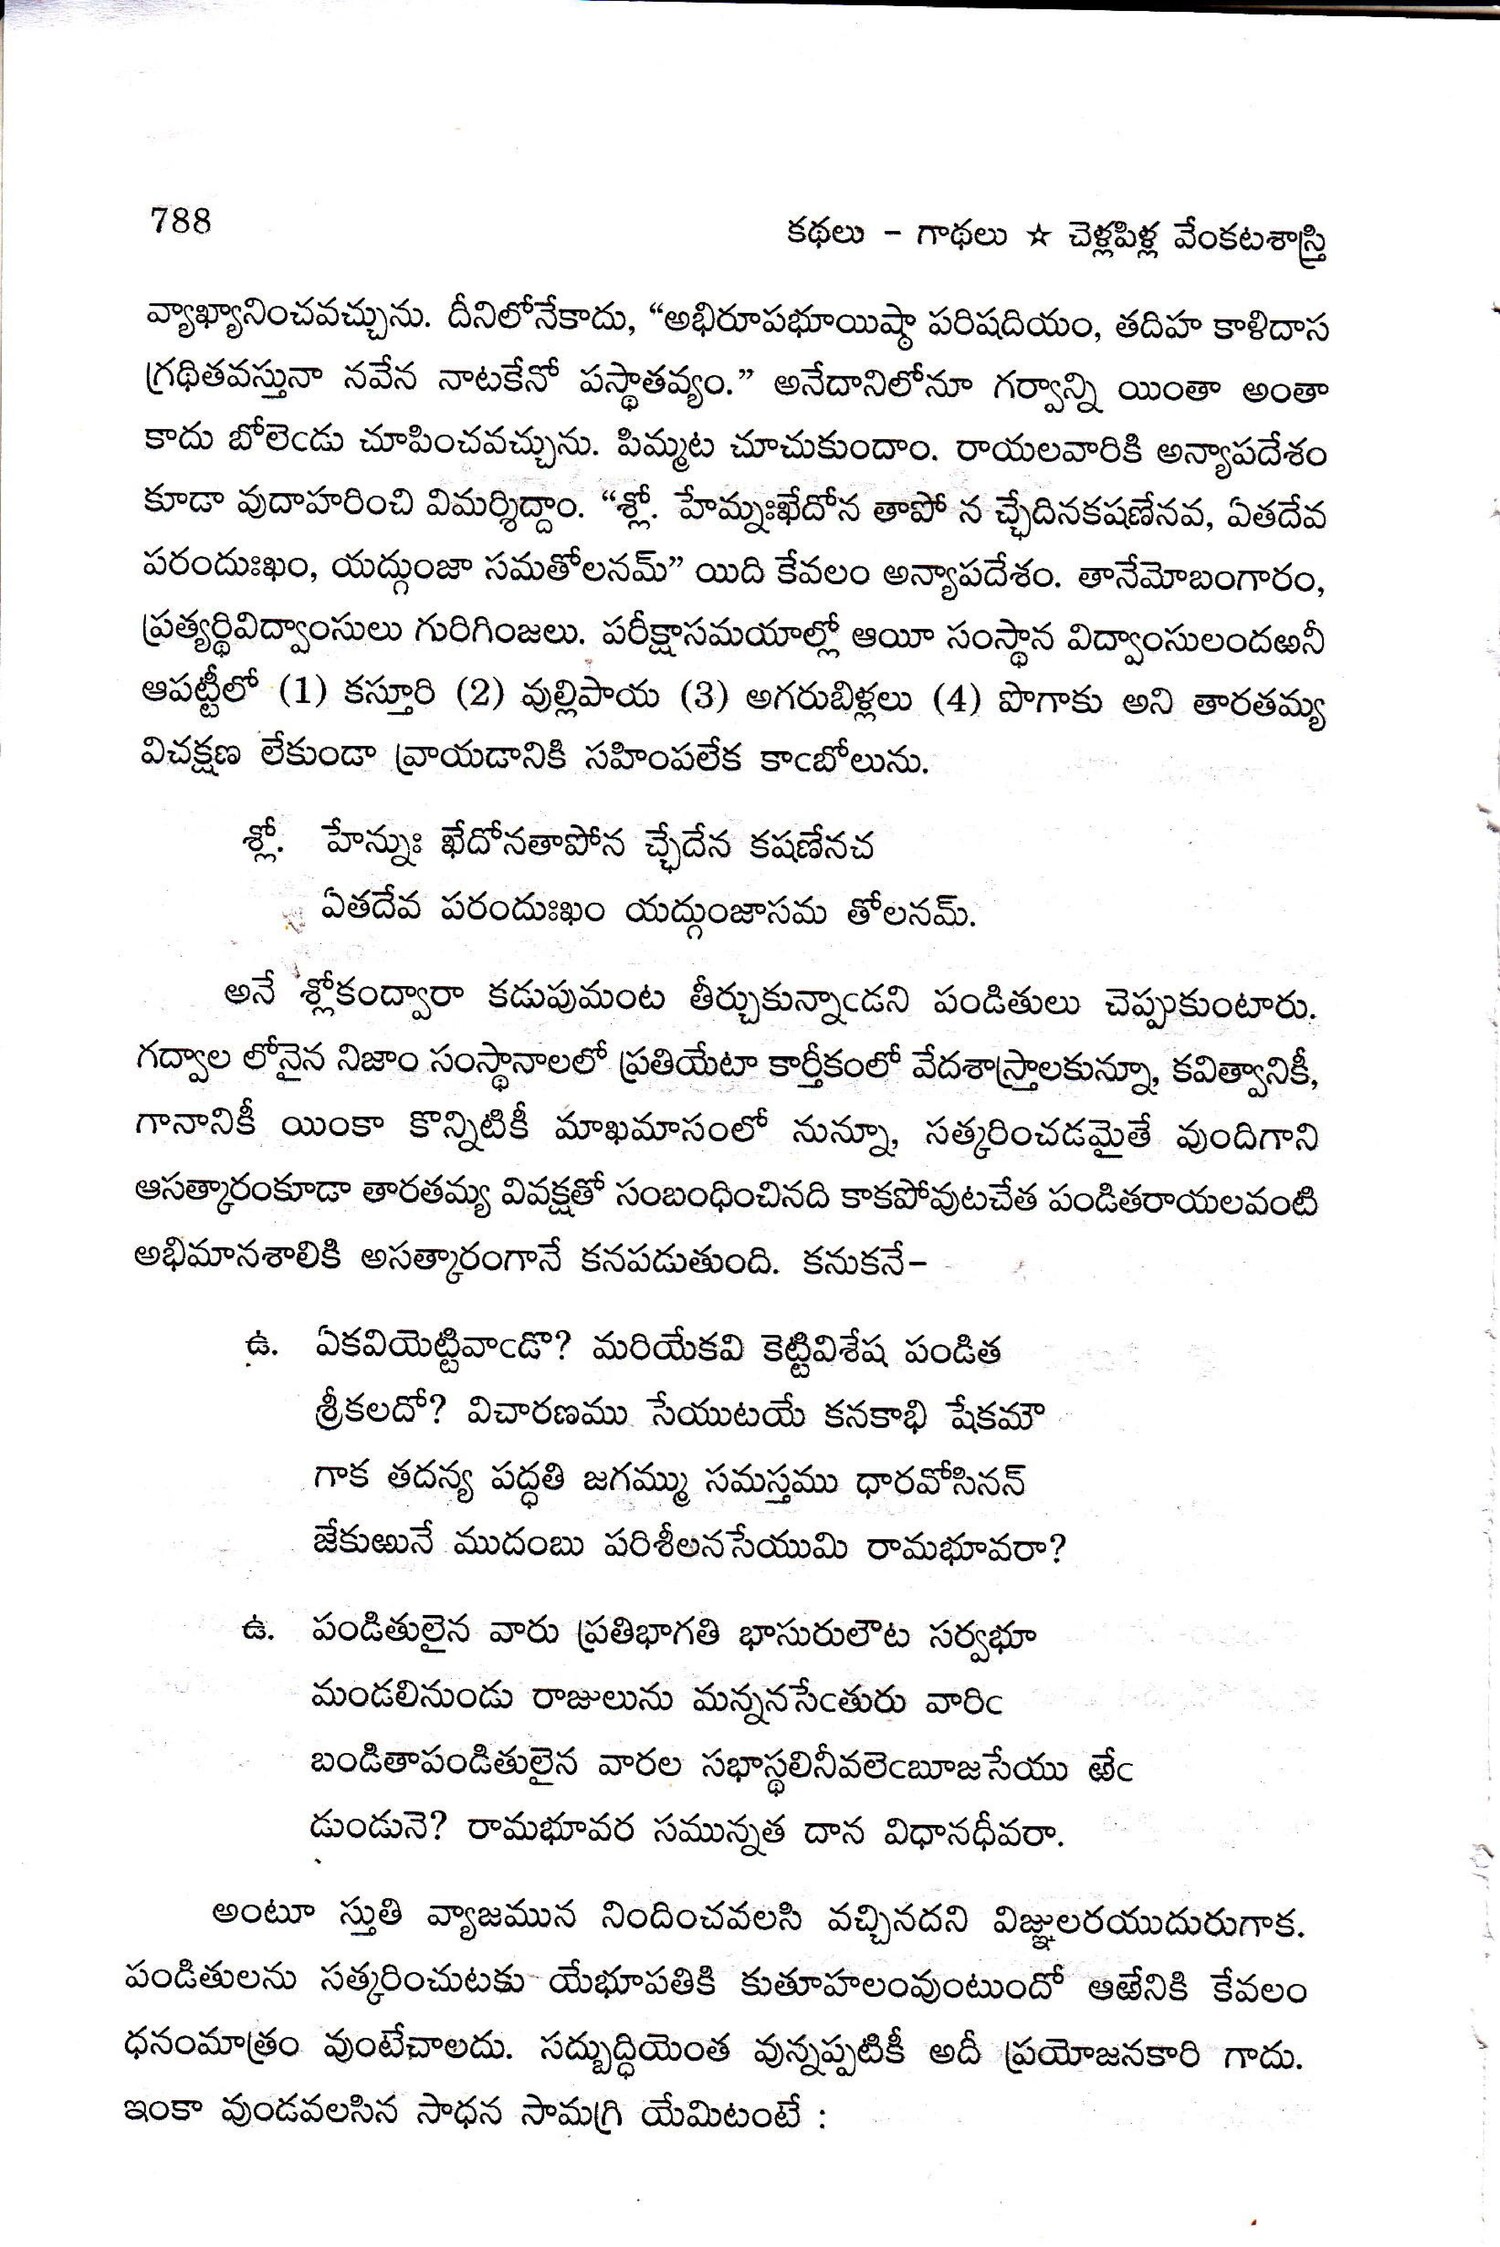వ్యాఖ్యానించవచ్చును. దీనిలోనేకాదు, “అభిరూపభూయిష్ఠా పరిషదియం, తదిహ కాళిదాస గ్రథితవస్తునా నవేన నాటకేనో పస్థాతవ్యం." అనేదానిలోనూ గర్వాన్ని యింతా అంతా కాదు బోలెఁడు చూపించవచ్చును. పిమ్మట చూచుకుందాం. రాయలవారికి అన్యాపదేశం కూడా వుదాహరించి విమర్శిద్దాం. "శ్లో. హేమ్నఃఖేదోన తాపో న చ్ఛేదినకషణేనవ, ఏతదేవ పరందుఃఖం, యద్గుంజా సమతోలనమ్” యిది కేవలం అన్యాపదేశం. తానేమోబంగారం, ప్రత్యర్థివిద్వాంసులు గురిగింజలు. పరీక్షాసమయాల్లో ఆయీ సంస్థాన విద్వాంసులందఱనీ ఆపట్టీలో (1) కస్తూరి (2) వుల్లిపాయ (3) అగరుబిళ్లలు (4) పొగాకు అని తారతమ్య విచక్షణ లేకుండా వ్రాయడానికి సహింపలేక కాఁబోలును.

శ్లో. హేన్నుః ఖేదోనతాపోన చ్చేదేన కషణేనచ
 ఏతదేవ పరందుఃఖం యద్గుంజాసమ తోలనమ్.
అనే శ్లోకంద్వారా కడుపుమంట తీర్చుకున్నాఁడని పండితులు చెప్పుకుంటారు. గద్వాల లోనైన నిజాం సంస్థానాలలో ప్రతియేటా కార్తీకంలో వేదశాస్త్రాలకున్నూ కవిత్వానికీ, గానానికీ యింకా కొన్నిటికీ మాఖమాసంలో నున్నూ, సత్కరించడమైతే వుందిగాని ఆసత్కారంకూడా తారతమ్య వివక్షతో సంబంధించినది కాకపోవుటచేత పండితరాయలవంటి అభిమానశాలికి అసత్కారంగానే కనపడుతుంది. కనుకనే-

ఉ. ఏకవియెట్టివాఁడొ? మరియేకవి కెట్టివిశేష పండిత
 శ్రీకలదో? విచారణము సేయుటయే కనకాభి షేకమౌ 
 గాక తదన్య పద్ధతి జగమ్ము సమస్తము ధారవోసినన్ 
 జేకుఱునే ముదంబు పరిశీలన సేయుమి రామభూవరా?

ఉ. పండితులైన వారు ప్రతిభాగతి భాసురులౌట సర్వభూ
 మండలినుండు రాజులును మన్ననసేఁతురు వారిఁ 
 బండితాపండితులైన వారల సభాస్థలినీవలెఁబూజసేయు ఱేఁ 
 డుండునె? రామభూవర సమున్నత దాన విధానధీవరా.
అంటూ స్తుతి వ్యాజమున నిందించవలసి వచ్చినదని విజ్ఞులరయుదురుగాక. పండితులను సత్కరించుటకు యేభూపతికి కుతూహలంవుంటుందో ఆఱేనికి కేవలం ధనంమాత్రం వుంటేచాలదు. సద్బుద్ధియెంత వున్నప్పటికీ అదీ ప్రయోజనకారి గాదు. ఇంకా వుండవలసిన సాధన సామగ్రి యేమిటంటే :